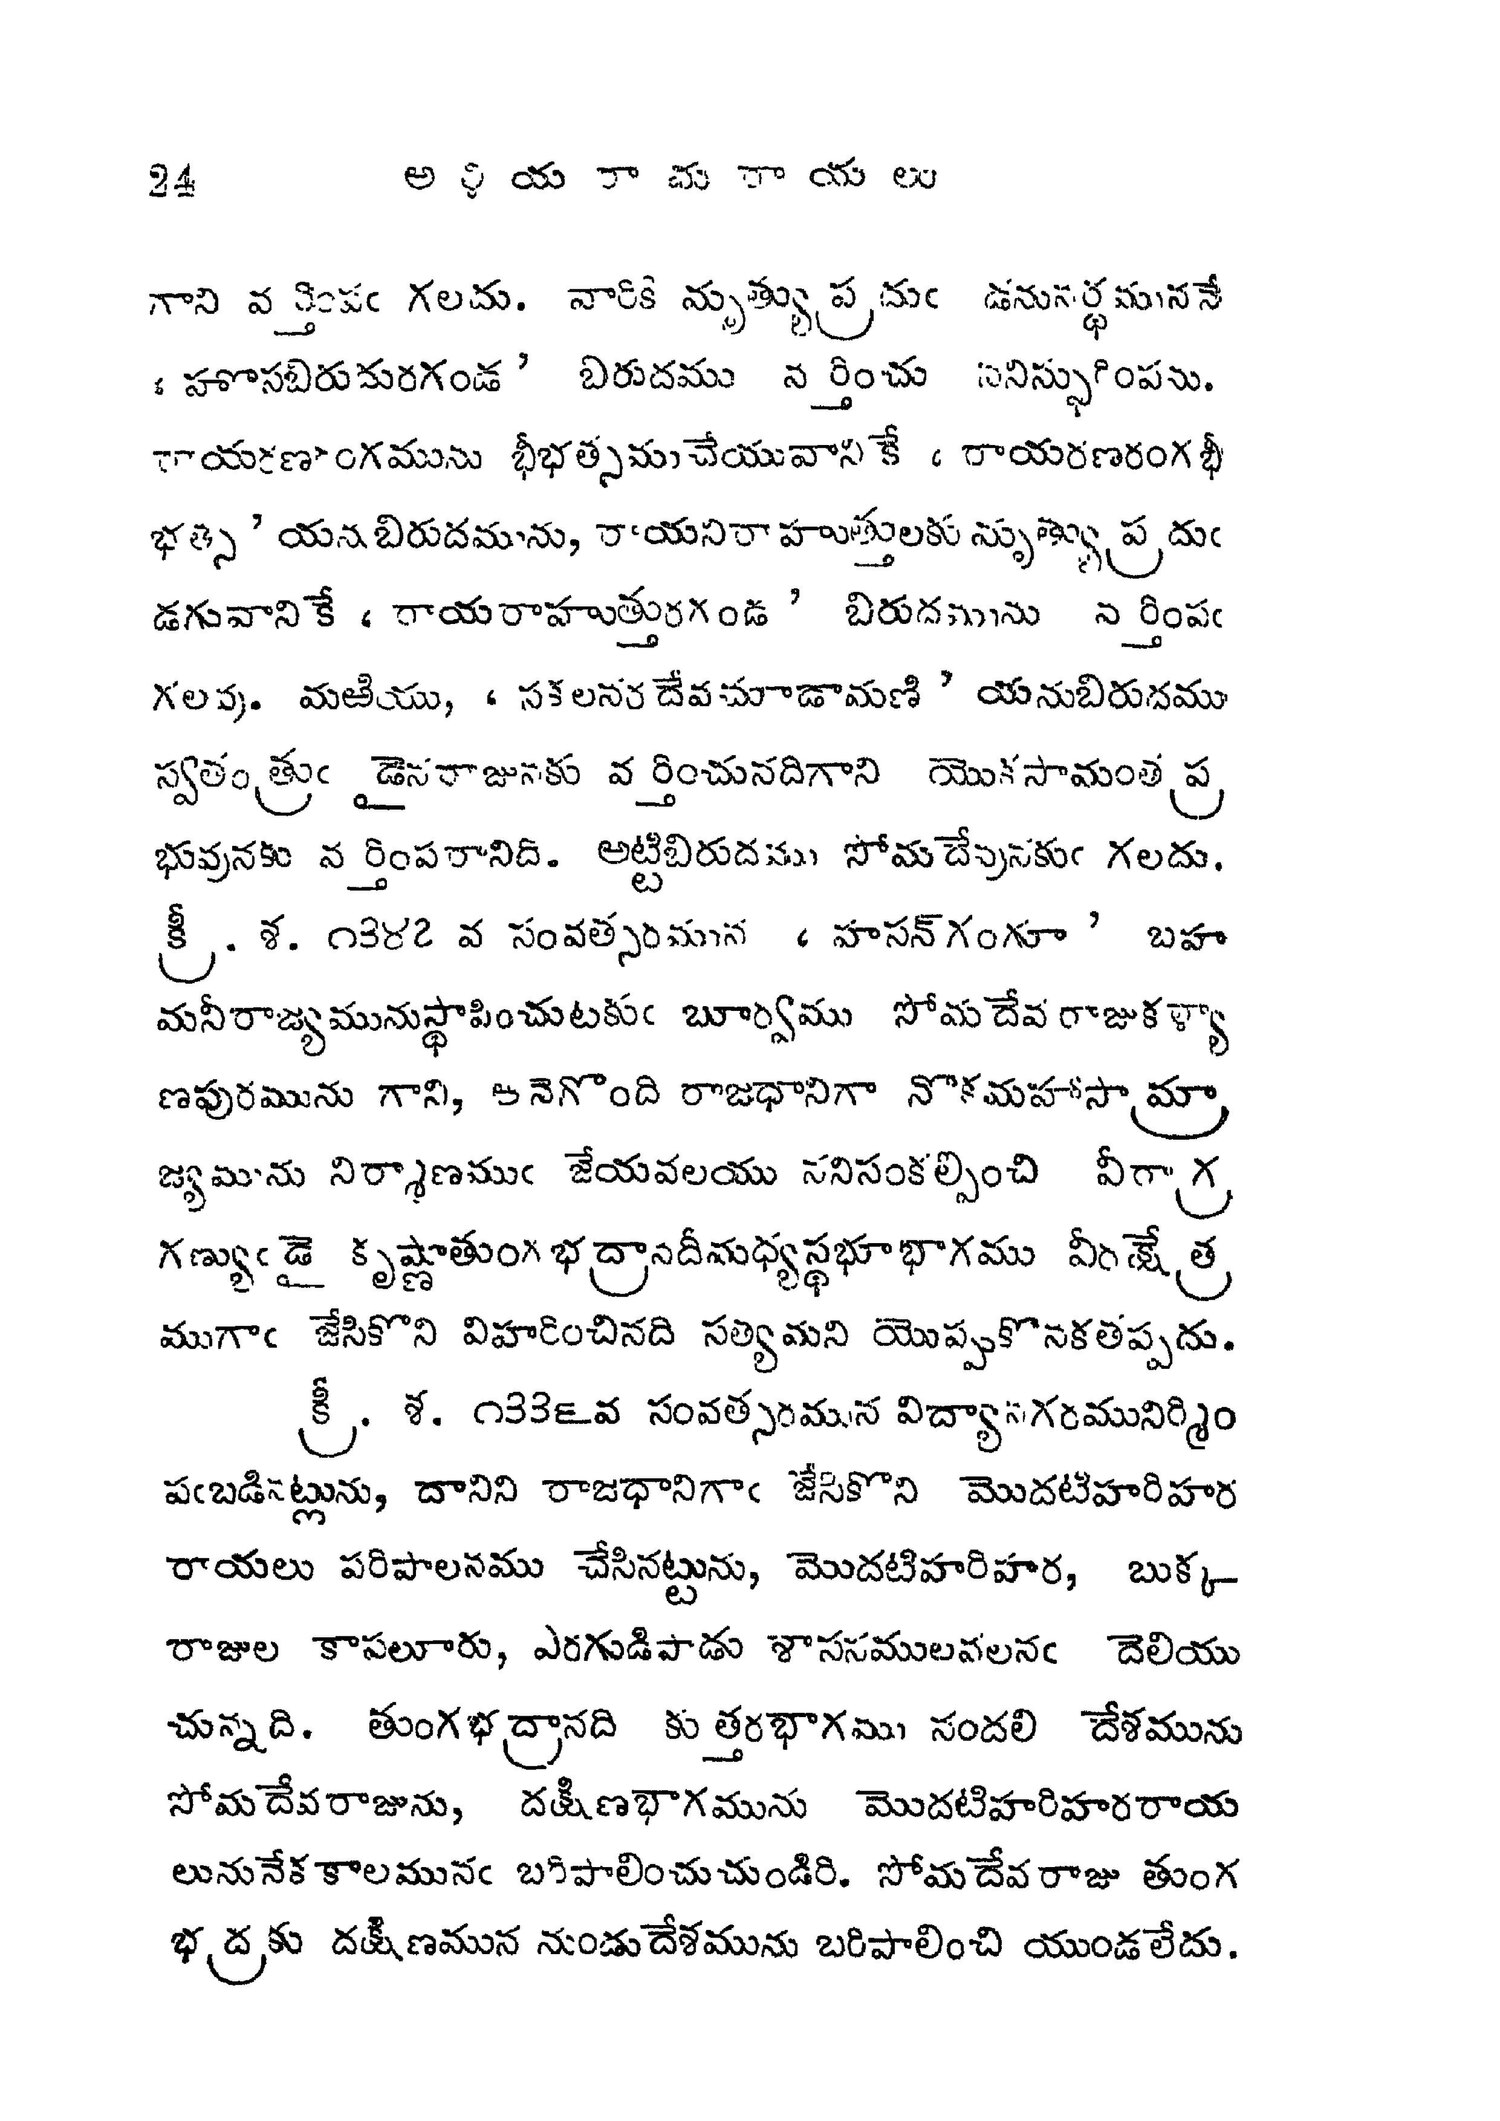గాని వర్తింప గలదు. వారికి మృత్యుప్రచు డనునర్థముననే 'హొసబిరుదురగండ' బిరుదము వర్తించు ననిస్ఫురింపను. రాయరణరంగమును భీభత్సముచేయువానికే 'రాయరణరంగభీభత్స' యనుబిరుదమును, రాయనిరాహుత్తులకు మృత్యుప్రదుడగువానికే 'రాయరాహుత్తురగండ' బిరుదమును వర్తింపగలవు. మఱియు, 'సకలనరదేవచూడామణి' యనుబిరుదము స్వతంత్రు డైనరాజునకు వర్తించునదిగాని యొకసామంతప్రభువునకు వర్తింపరానిది. అట్టిబిరుదము సోమదేవునకు గలదు. క్రీ. శ. 1347 వ సంవత్సరమున 'హసన్‌గంగూ' బహమనీరాజ్యమును స్థాపించుటకు బూర్వము సోమదేవరాజు కళ్యాణపురమును గాని, ఆనెగొంది రాజధానిగా నొకమహాసామ్రాజ్యమును నిర్మాణము జేయవలయు ననిసంకల్పించి వీరాగ్రగణ్యుడై కృష్ణాతుంగభద్రానదీ మధ్యస్థభూభాగము వీరక్షేత్రముగా జేసికొని విహరించినది సత్యమని యొప్పుకొనక తప్పదు.

క్రీ. శ. 1336వ సంవత్సరమున విద్యానగరమునిర్మింపబడినట్లును, దానిని రాజధానిగా జేసికొని మొదటిహరిహరరాయలు పరిపాలనము చేసినట్టును, మొదటిహరిహర, బుక్కరాజుల కాపలూరు, ఎరగుడిపాడు శాసనములవలన దెలియుచున్నది. తుంగభద్రానది కుత్తరభాగము నందలి దేశమును సోమదేవరాజును, దక్షిణభాగమును మొదటిహరిహరరాయలును నేకకాలమున బరిపాలించుచుండిరి. సోమదేవరాజు తుంగభద్రకు దక్షిణమున నుండుదేశమును బరిపాలించి యుండలేదు.